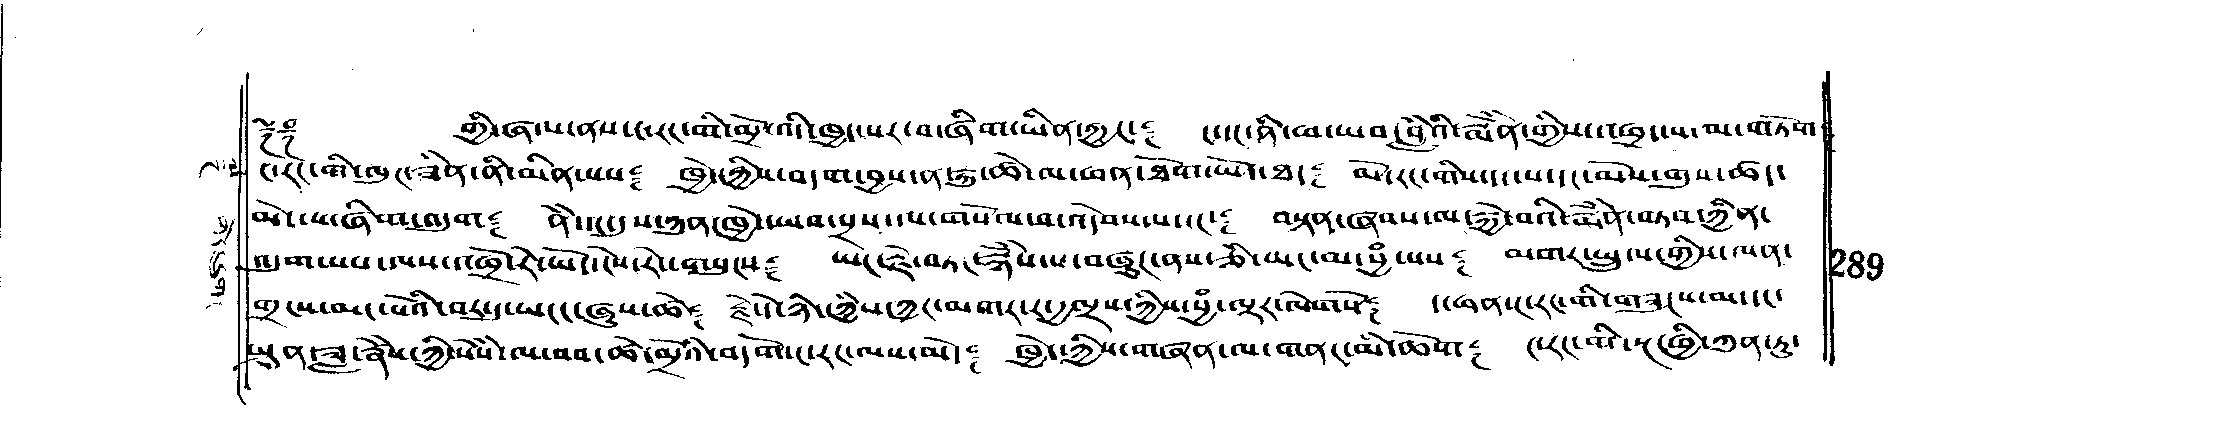གྱི་ཞལ་ནས་ང་རང་གི་མཁའ་འགྲོ་འདི་ཁྱད་པར་བ་ཞིག་ཡིན་ཀྱང་། ང་དང་ནི་ཕ་ཡབ་བླ་མའི་སྨོན་ལམ་གྱིས་འཕྲད་པ་མ་གཏོགས་
ང་རང་གི་ལུང་ཟིན་ནི་མིན་པས། ཁྱེད་ཀྱིས་བདག་པོ་བྱས་ན་སྐུ་ཚེ་ལ་ཕན་ཐོག་ཡོད་ཐང་། མོ་རང་གིས་དད་པ་དང་མོས་གུས་ཚད་
མེད་པ་ཞིག་འདུག ནམ་དང་དུས་ཀུན་ཁྱེད་ཡབ་སྲས་ལ་གསོལ་བ་འདེབས་པ་དང་། བསྟན་ཞབས་ལ་སྐྱེ་བའི་སྨོན་ལམ་བཏབ་ཀྱིན་
འདུག་པས་ལས་འཕྲོ་རེ་ཡོད་ངེས་རེད་གསུངས། ཡང་རྗེས་བཏང་སྙོམས་པ་བཞུགས་ནས་ཅི་ཡང་མ་གསུང་པས། མགར་སྤྲུལ་གྱིས་ལན་
གྲངས་མང་པོའི་བར་དུ་ཡང་ཡང་ཞུས་ཚེ། རྗེ་དེ་ཉིད་ཀྱིས་ཀྱང་མགར་ར་རྒྱལ་སྲས་ཀྱིས་གསུང་ལྟར་ལེགས་སོ། ད་ཕན་ང་རང་གི་གཟུངས་མ་དང་
སྤུན་ཟླ་རྣམས་ཀྱི་སེམས་ལ་བབ་ཚེ་མཁའ་འགྲོའི་བདག་པོ་ང་རང་ལས་མེད། ཁྱེད་ཀྱིས་གཞན་ལ་གནང་མི་ཆོག ང་རང་གི་སྔ་ཕྱི་ཀུན་ཏུ་